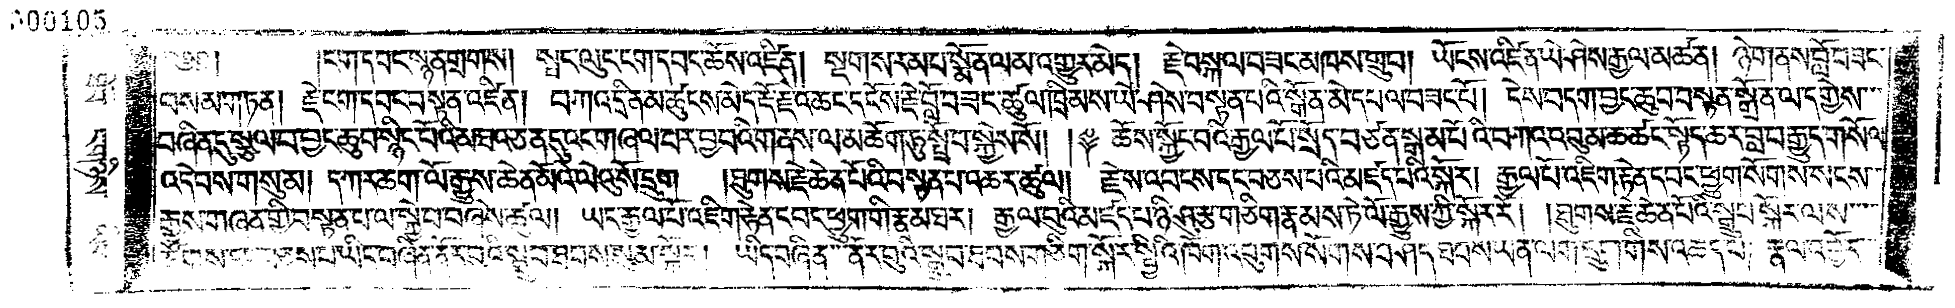༄༅། །ངག་དབང་སྙན་གྲགས། སྤང་ལུང་ངག་དབང་ཆོས་འཛིན། སྔགས་རམ་པ་སྨོན་ལམ་འགྱུར་མེད། རྗེ་བསྐལ་བཟང་མཁས་གྲུབ། ཡོངས་འཛིན་ཡེ་ཤེས་རྒྱལ་མཚན། ཉེག་ནས་བློ་བཟང་
བསམ་གཏན། རྗེ་ངག་དབང་བསྟན་འཛིན། བཀའ་དྲིན་མཚུངས་མེད་རྡོ་རྗེ་འཆང་དངོས་རྗེ་བློ་བཟང་ཚུལ་ཁྲིམས་ཡེ་ཤེས་བསྟན་པའི་སྒོན་མེ་དཔལ་བཟང་པོ། དེས་བདག་བྱང་ཆུབ་བསྟན་སྒྲོན་ལ་དགྱེས་
བཞིན་དུ་སྩལ་བ་བྱང་ཆུབ་སྙིང་པོའི་མཐའ་ཅན་དུ་འང་གཞལ་པར་བྱ་བའི་གནས་ལ་མཆོག་ཏུ་སྤྲོ་བ་སྐྱེས་སོ། །༈ ཆོས་སྐྱོང་བའི་རྒྱལ་པོ་སྲོད་བཙན་སྒམ་པོའི་བཀའ་འབུམ་ཆ་ཚང་སྟོད་ཆར་བླ་བརྒྱུད་གསོལ་
འདེབས་གསུམ། དཀར་ཆག་ལོ་རྒྱུས་ཆེན་མོའི་ལེའུ་སོ་དྲུག །ཐུགས་རྗེ་ཆེན་པོའི་བསྟན་པ་འཆར་ཚུལ། རྗེས་འབངས་དང་བཅས་པའི་མཛད་པའི་སྐོར། རྒྱལ་པོ་འཇིག་རྟེན་དབང་ཕྱུག་སོགས་སངས་
རྒྱས་གཞན་གྱི་བསྟན་པ་ལ་སྐྱེ་བ་བཞེས་ཚུལ། ཡང་རྒྱལ་པོ་འཇིག་རྟེན་དབང་ཕྱུག་གི་རྣམ་ཐར། རྒྱལ་བུའི་མཛད་པ་ཉི་ཤུ་རྩ་གཅིག་རྣམས་ཏེ་ལོ་རྒྱུས་ཀྱི་སྐོར་རོ། །ཐུགས་རྗེ་ཆེན་པོའི་སྒྲུབ་སྐོར་ལས་
ཚོགས་དང་བཅས་པ་ཡིད་བཞིན་ནོར་བུའི་སྒྲུབ་ཐབས་སུམ་སྐོར། ཡིད་བཞིན་ནོར་བུའི་སྒྲུབ་ཐབས་གཅིག་སྐོར་སྤྱིའི་ཁོག་འབུགས་སོགས་བཤད་ཐབས་ཡན་ལག་དྲུག་གིས་འཆད་པ། རྣལ་འབྱོར་